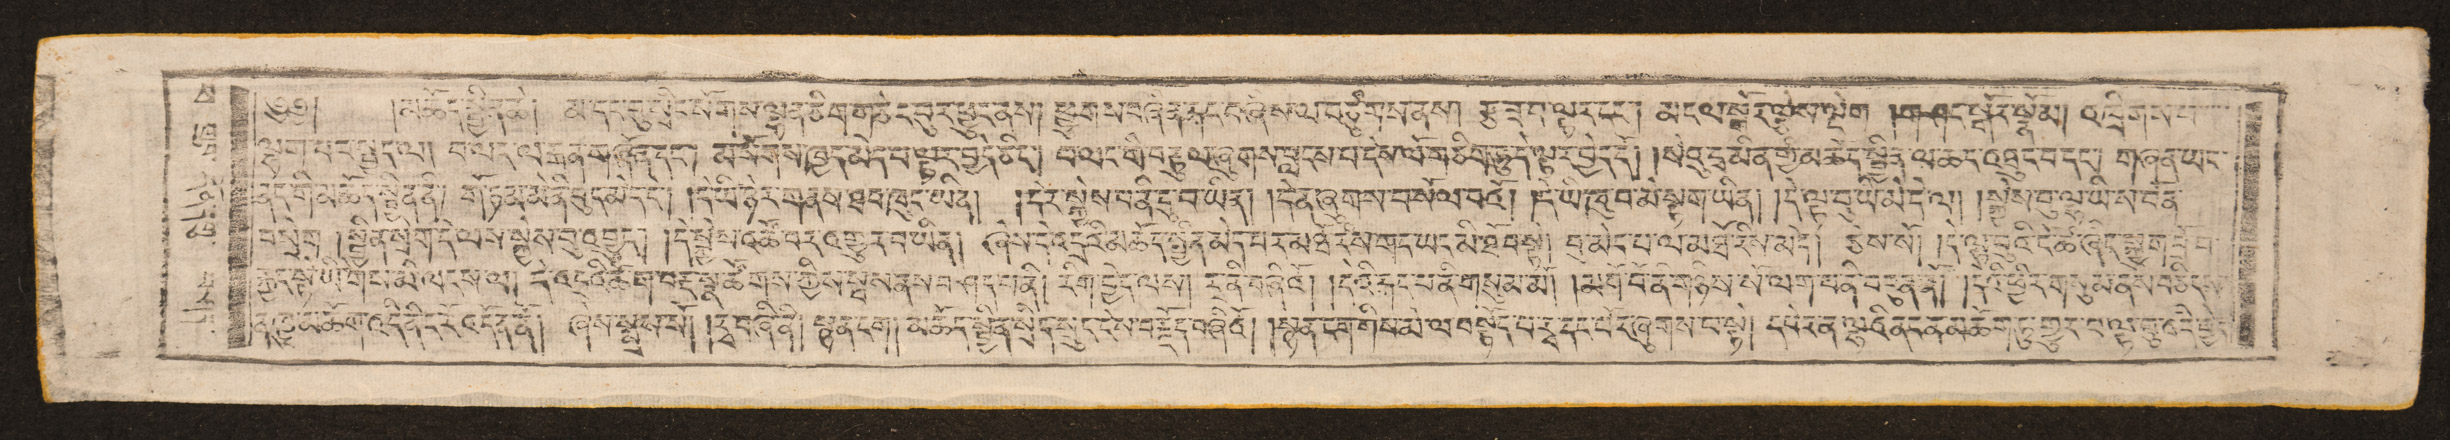༄༅། །མཆོད་སྦྱིན་ཆེ། མ་དང་བུ་སྲིང་སོགས་ལྷན་ཅིག་གཅེར་བུར་ཕྱུང་ནས། ཕྱུགས་བཞིན་རྐང་བཞི་ས་ལ་བཙུགས་ནས། རྩ་ཟ་བ་ལྟར་དང་། མངལ་སྒོར་ལྕེས་ལྡེག །གཤང་སྒོར་སྣོམ། འཁྲིགས་པ་
ལྷག་པར་སྤྱད་ལ། བ་ལང་ལ་རྒན་གཞོན་དང་། མ་སོགས་ཁྱད་མེད་པ་ལྟར་བྱེད་ཅིང་། བ་ལང་གི་བརྟུལ་ཞུགས་བླངས་པ་དེས་ལོ་གཅིག་ཏུ་དེ་ལྟར་བྱེད་དོ། །སེའུ་དྲ་མིན་གྱི་མཆོད་སྦྱིན་ལ་ཆང་འཐུང་བ་དང་། གཞན་ཡང་
ནང་གི་མཆོད་སྦྱིན་ནི། གོ་ཏམ་མེ་ནི་བུད་མེད་དེ། །དེ་ཡི་ཉེར་གནས་ཐབ་ཁུང་ཡིན། །དེར་སྐྱེས་པ་ནི་དུ་བ་ཡིན། །དེ་ན་ཞུགས་པ་སོལ་བའོ། །དེ་ཡི་ཁུ་བ་མེ་སྟག་ཡིན། །དེ་ལྟ་བུ་ཡི་མེ་དེ་ལ། །སྐྱེས་བུ་ལྷ་ཡི་ས་བོན་
བསྲེག །སྦྱིན་སྲེག་དེ་ལས་སྐྱེས་བུ་འབྱུང་། །དེ་སྐྱེས་འཚོ་བར་འགྱུར་བ་ཡིན། ཞེས་དེ་འདྲའི་མཆོད་སྦྱིན་མེད་པར་མཐོ་རིས་གང་ཡང་མི་ཐོབ་སྟེ། བུ་མེད་པ་ལ་མཐོ་རིས་མེད། ཅེས་སོ། །དེ་ལྟ་བུའི་ངོ་ཚ་ཞིང་སྐྱུག་བྲོ་བ་
རྒྱད་སྟེ་ཡི་གེས་མི་ལངས་ལ། དེ་འདྲའི་ཆོག་བརྔ་སྣ་ཚོགས་ཀྱིས་སྦས་ནས་བཤད་པ་ནི། རིག་བྱེད་ལས། རྭ་ནི་བཞིའོ། །དེའི་རྐང་པ་ནི་གསུམ་མོ། །མགོ་བོ་ནི་གཉིས་སོ་ལག་པ་ནི་བདུན་ནོ། །དེའི་ཕྱིར་གསུམ་ནས་བཅིངས་
ན་ཁྱུ་མཆོག་འདི་ནི་ང་རོ་འདོན་ནོ། ཞེས་སྨྲས་སོ། །རྭ་བཞི་ནི། སྙན་ངག། མཆོད་སྦྱིན་སྲིད་སྲུང་ངེས་བརྗོད་བཞིའོ། །སྙན་ངག་གིས་མེ་ལ་བསྟོད་པ་རྭ་དང་པོར་ཞུགས་པ་སྟེ། དཔེར་ན་ལྷའི་ནང་ན་མཆོག་ཏུ་གྱུར་པ་ལྟ་བུ་འདི་བྱེད་